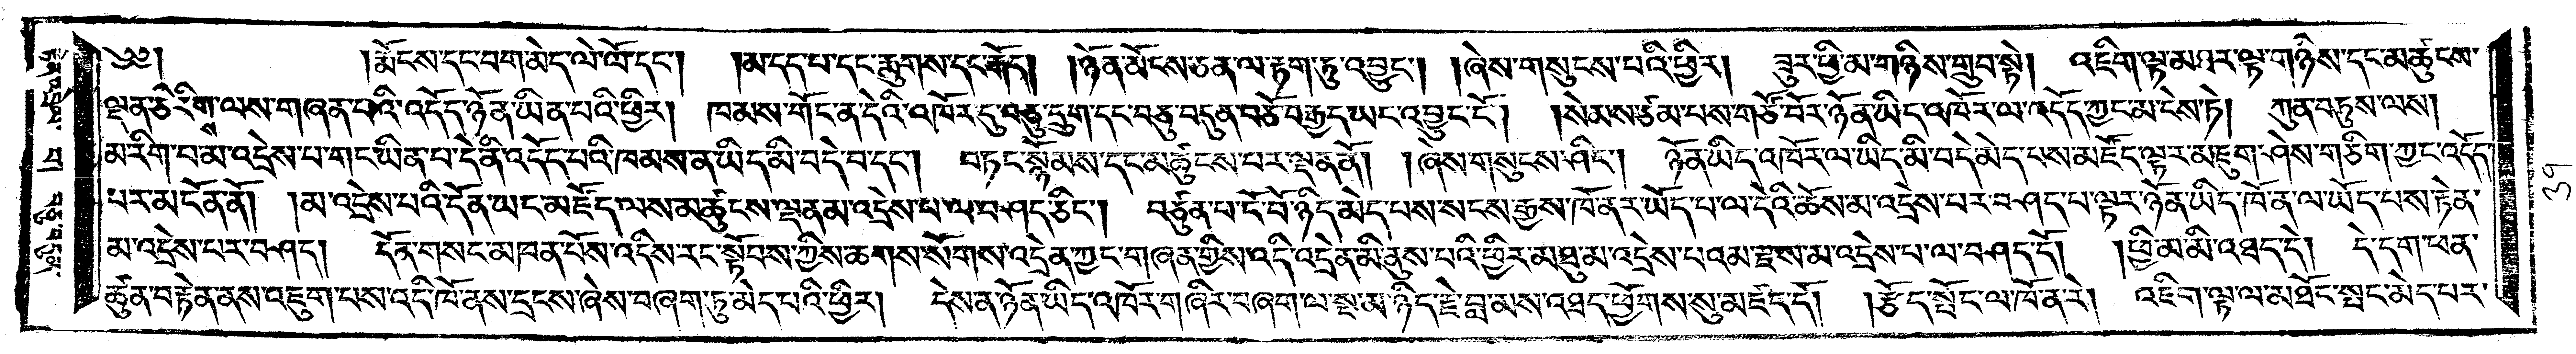༄༅། །རྨོངས་དང་བག་མེད་ལེ་ལོ་དང་། །མ་དད་པ་དང་རྨུགས་དང་རྒོད། །ཉོན་མོངས་ཅན་ལ་རྟག་ཏུ་འབྱུང་། །ཞེས་གསུངས་པའི་ཕྱིར། ཟུར་ཕྱི་མ་གཉིས་གྲུབ་སྟེ། འཇིག་ལྟ་མཐར་ལྟ་གཉིས་དང་མཚུངས་
ལྡན་ཅི་རིགས་ལས་གཞན་བའི་འདོད་ཉོན་ཡིན་པའི་ཕྱིར། ཁམས་གོང་ན་དེའི་འཁོར་དུ་བཅུ་དྲུག་དང་བཅུ་བདུན་བཅོ་བརྒྱད་ཡང་འབྱུང་ངོ། །སེམས་ཙམ་པས་གཙོ་བོར་ཉོན་ཡིད་འཁོར་ལ་འདོད་ཀྱང་མ་ངེས་ཏེ། ཀུན་བཏུས་ལས།
མ་རིག་པ་མ་འདྲེས་པ་གང་ཡིན་པ་དེ་ནི་འདོད་པའི་ཁམས་ན་ཡིད་མི་བདེ་བ་དང་། བཏང་སྙོམས་དང་མཚུངས་པར་ལྡན་ནོ། །ཞེས་གསུངས་ཤིང་། ཉོན་ཡིད་འཁོར་ལ་ཡིད་མི་བདེ་མེད་པས་མཛོད་ལྟར་མཇུག་ཤེས་གཅིག་ཀྱང་འདོད་
པར་མངོན་ནོ། །མ་འདྲེས་པའི་དོན་ཡང་མཛོད་ལས་མཚུངས་ལྡན་མ་འདྲེས་པ་ལ་བཤད་ཅིང་། བཙུན་པ་ངོ་བོ་ཉིད་མེད་པས་སངས་རྒྱས་ཁོ་ནང་ཡོད་པ་ལ་དེའི་ཆོས་མ་འདྲེས་པར་བཤད་པ་ལྟར་ཉོན་ཡིད་ཁོ་ན་ལ་ཡོད་པས་རྟེན་
མ་འདྲེས་པར་བཤད། དོན་གསང་མཁན་པོས་འདིས་རང་སྟོབས་ཀྱིས་ཆགས་སོགས་འདྲེན་ཀྱང་གཞན་གྱིས་འདི་འདྲེན་མི་ནུས་པའི་ཕྱིར་མཐུ་མ་འདྲེས་པའམ་རྫས་མ་འདྲེས་པ་ལ་བཤད་དོ། །ཕྱི་མ་མི་འཐད་དེ། དེ་དག་ཕན་
ཚུན་བརྟེན་ནས་འཇུག་པས་འདི་ཁོ་ནས་དྲངས་ཞེས་བཞག་ཏུ་མེད་པའི་ཕྱིར། དེས་ན་ཉོན་ཡིད་འཁོར་གཞིར་བཞག་ལ་སྔ་མ་ཉིད་རྗེ་བླ་མས་འཐད་ཕྱོགས་སུ་མཛད་དོ། །རྩོད་སྤོང་ལ་ཁོ་ན་རེ། འཇིག་ལྟ་ལ་མཐོང་སྤང་མེད་པར་